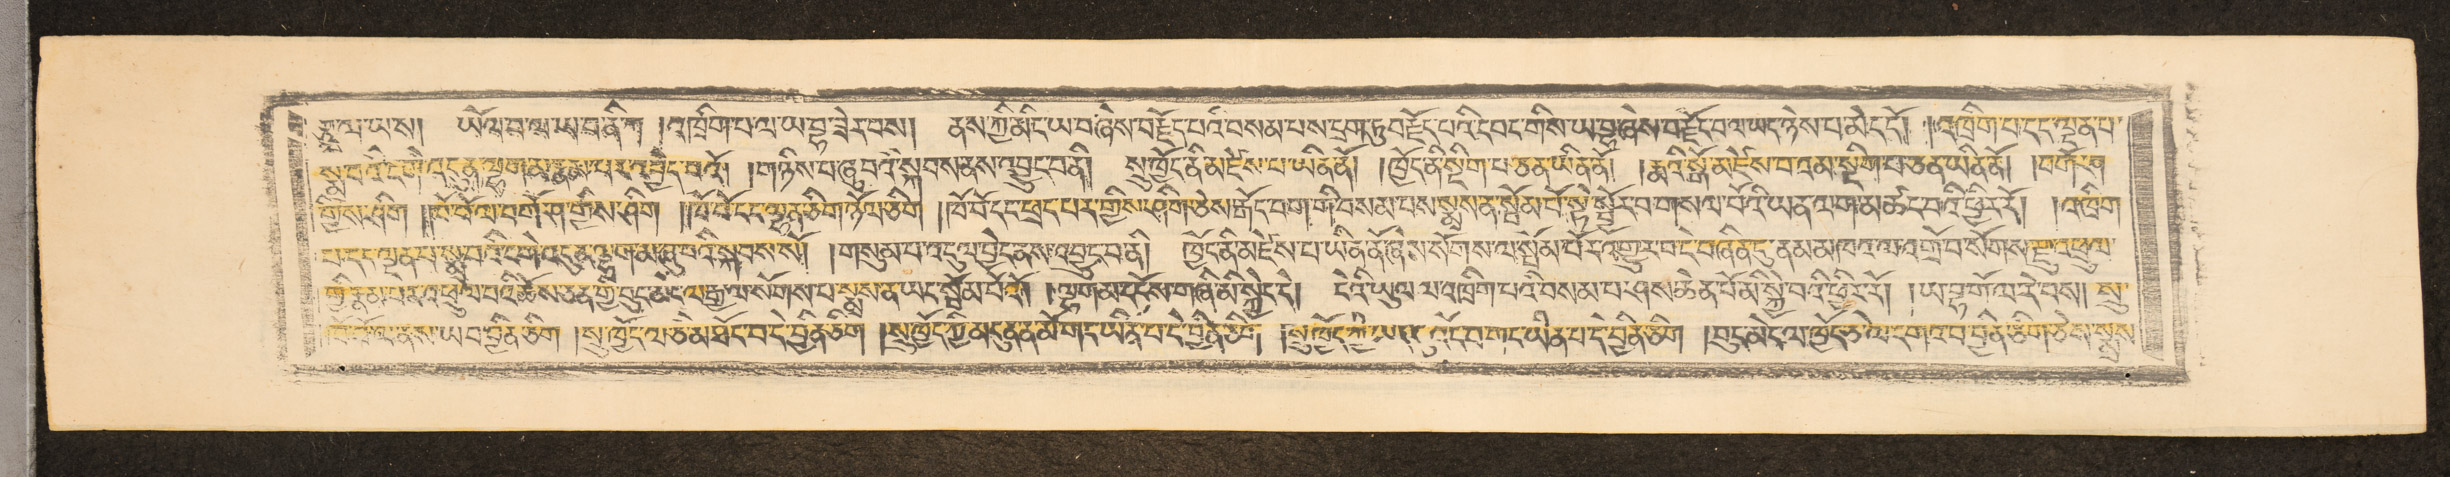རྩྭ་ལ་ཡས། ཡོལ་བ་ལ་ཡ་བ་ནི་ཀ །འཁྲིག་པ་ལ་ཡ་བྷ་ཟེར་བས། ནས་ཀྱི་མིང་ཡ་བ་ཞེས་བརྗོད་པའི་བསམ་པས་དྲག་ཏུ་བརྗོད་པའི་དབང་གིས་ཡ་བྷ་ཞེས་བརྗོད་པ་ལ་ཡང་ཉེས་པ་མེད་དོ། །འཁྲིག་པ་དང་ལྡན་པ་
སྨྲ་བའི་དགེ་འདུན་ལྷག་མ་རྣམ་པར་འབྱེད་པའོ། །གཉིས་པ་ཞུ་བའི་སྐབས་ནས་འབྱུང་བ་ནི། སྲུ་ཁྱོད་ནི་མཛེས་པ་ཡིན་ནོ། །ཁྱོད་ནི་སྡིག་པ་ཅན་ཡིན་ནོ། །རྨའི་སྒོ་མཛེས་པ་འམ་སྡིག་པ་ཅན་ཡིན་ནོ། །བགོ་ཤ་
གྱིས་ཤིག །ཁོ་བོ་ལ་བགོ་ཤ་གྱིས་ཤིག །ཁོ་བོ་དང་ལྷན་ཅིག་ཉོལ་ཅིག །ཁོ་བོ་དང་ཕྲད་པར་གྱིས་ཤིག་ཅེས་རྒོད་བག་གི་བསམ་པས་སྨྲས་ན་སྦོམ་པོ་སྟེ་སྦྱོར་བ་གསལ་པོའི་ཡན་ལག་མ་ཚང་བའི་ཕྱིར་རོ། །འཁྲིག་
པ་དང་ལྡན་པ་སྨྲ་བའི་དགེ་འདུན་ལྷག་མ་ཞུ་བའི་སྐབས་སོ། །གསུམ་པ་འདུལ་བྱེད་ནས་འབྱུང་བ་ནི། ཁྱོད་ནི་མཛེས་པ་ཡིན་ནོ་ཞེས་སོགས་ལ་སྦོམ་པོར་འགྱུར་བ་དེ་བཞིན་དུ་ནམ་མཁའ་ལ་འགྲོ་བ་སོགས་རྫུ་འཕྲུལ་
གྱི་རྣམ་པར་འཕྲུལ་བའི་ཆོས་ཅན་གྱི་བུད་མེད་ལ་རྒྱ་ལ་སོགས་པ་སྨྲས་ན་ཡང་སྦོམ་པོའོ། །ལྷག་མ་དངོས་གཞི་མི་སྐྱེད་དེ། དེའི་ཡུལ་ལ་འཁྲིག་པའི་བསམ་པ་ཤས་ཆེན་པོ་མི་སྐྱེ་བའི་ཕྱིར་རོ། །ཡ་བྷ་གོ་ལ་རེ་བས། སྲུ་
ཁོ་བོ་ལ་ནས་ཡབ་བྱིན་ཅིག །སྲུ་ཁྱོད་ལ་ཅི་མཐོང་བ་དེ་བྱིན་ཅིག །སྲུ་ཁྱོད་ཀྱི་མདུན་ན་མོ་གང་ཡིན་པ་དེ་བྱིན་ཅིག །སྲུ་ཁྱོད་ཀྱི་ཡིད་དུ་འོང་པ་གང་ཡིན་པ་དེ་བྱིན་ཅིག །བུད་མེད་ལ་ཁྱོད་ཅི་ལ་དགའ་བ་བྱིན་ཅིག་ཅེས་སྨྲས་